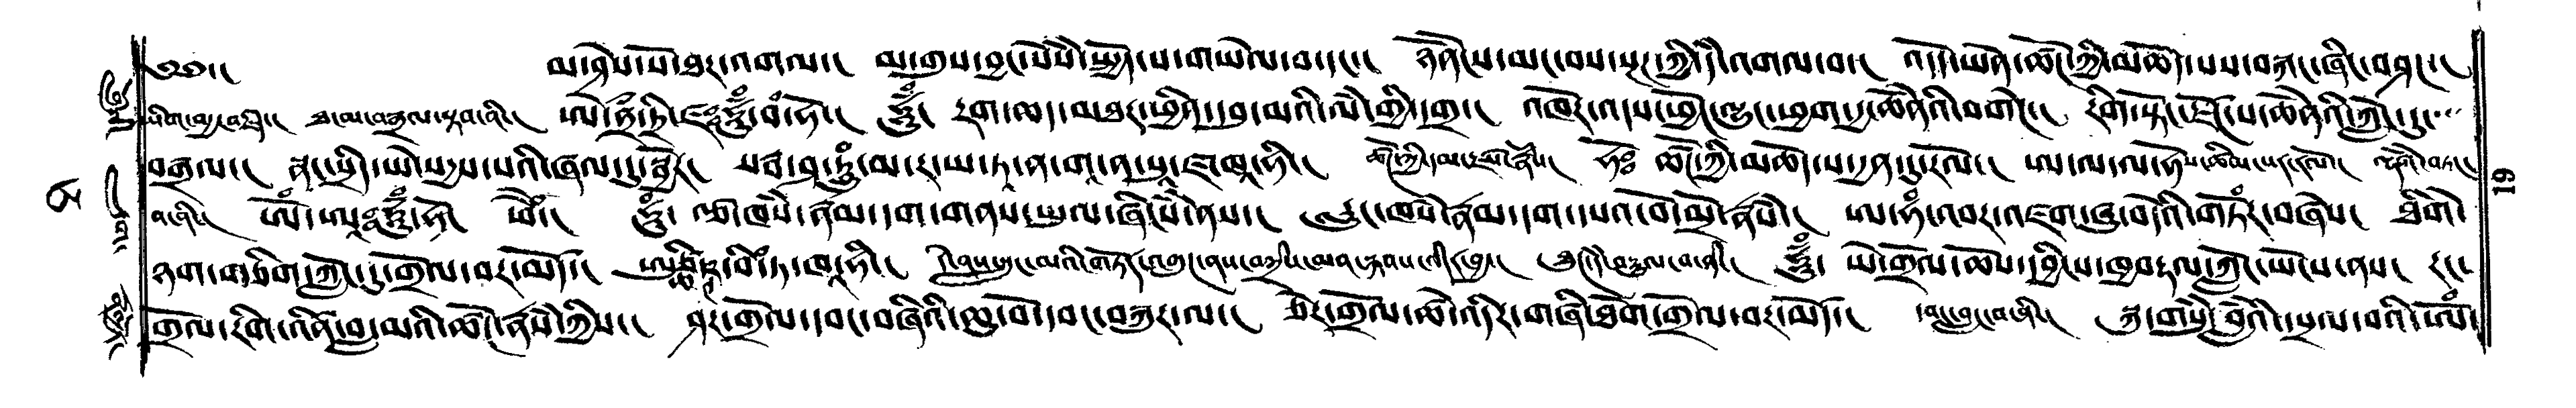མ་ཤེས་སོ་ཐར་འགལ། །མ་གུས་བྱང་སེམས་སྤྱོད་པ་གཡེལ་བ་དང་། །ཉོན་མོངས་མང་བས་སྔགས་ཀྱི་དམ་འགལ་བ། །འདོད་ཡོན་ཚོགས་ཀྱི་མཆོད་པས་བསྐང་ཞིང་བཤགས། 
ཡིག་བརྒྱ་བརྗོད། ཐ་མ་སྒྲལ་སྟབ་ནི། ཨེ་ནྲྀ་ཏྲི་ཛཿཧཱུྃ་བཾ་ཧོཿ ཧཱུྃ། རྟག་ཆད་མཐར་ཕྱིན་དབུ་མའི་ལམ་གྱི་དགྲ། །འཁོར་འདས་ཕྱོགས་ལྷུང་ཕྱག་རྒྱ་ཆེན་པོའི་བགེགས། །རིག་སྟོང་རྫོགས་པ་ཆེན་པོའི་ཀློང་དུ་
བསྒྲལ། །སྣང་སྲིད་ཡེ་སངས་རྒྱས་པའི་ཞལ་དུ་སྦྱོར། །སརྦ་ཤ་ཏྲུཾ་མ་ར་ཡ་ཏཱ་ན་གཱ་ན་པཱུ་ཛ་ཁཱ་ཧིཿཚོགས་ཀྱི་དམ་རྫས་རྣམས། ཧོ། ཚོགས་ཀྱི་མཆོད་པ་རྒྱན་དུ་རོལ། ཨ་ལ་ལ་ཧོ ཿ་ཚིམ་པར་རོལ། ལྷག་མ་གཏོང་
བ་ནི། ཨོཾ་ཨཱཿཧཱུྃ་ཧོཿ ཕེཾ་ཕེཾཿ ཧཱུྃ། རྩ་ཁམས་རྣམ་དག་གནས་ཡུལ་ཞིང་ཁམས་ནས། །རླུང་ཁམས་རྣམ་དག་དཔའ་བོ་མཁའ་འགྲཽ་རྣམས། །ཨ་ཧཾ་འབར་འཛག་ཞུ་བདེའི་གཏོར་མ་བཞེས། །ཐིག་ལེ་
ཉག་གཅིག་ཀློང་དུ་གྲོལ་བར་མཛོད། །ཨུཙྩིཥྚ་བ་ལིངྟ་ཏ་ཁཱ་ཧིཿ དེ་ནས་སྲུང་མའི་གཏོར་འགུགས་ནས་བཀྲ་ཤིས་མན་སྐབས་འདིར་བྱ། ཐུགས་དམ་བསྐུལ་བ་ནི། ཧཱུྃ། ཡེ་གྲོལ་ཆོས་དབྱིངས་ཁྱབ་བརྡལ་ཀློང་ཡངས་ནས། །རང་
གྲོལ་རིག་འཛིན་བླ་མའི་ཚོགས་རྣམས་ཀྱིས། །ཤར་གྲོལ་དབང་བཞིའི་ཆུ་བོས་དབང་སྐུར་ལ། །ཅེར་གྲོལ་ཚེ་འདིར་གཞི་ཐོག་གྲོལ་བར་མཛོད། །དབང་བླང་བ་ནི། སྐུ་གསུམ་བླ་མའི་དཔྲལ་བའི་ཨོཾ་